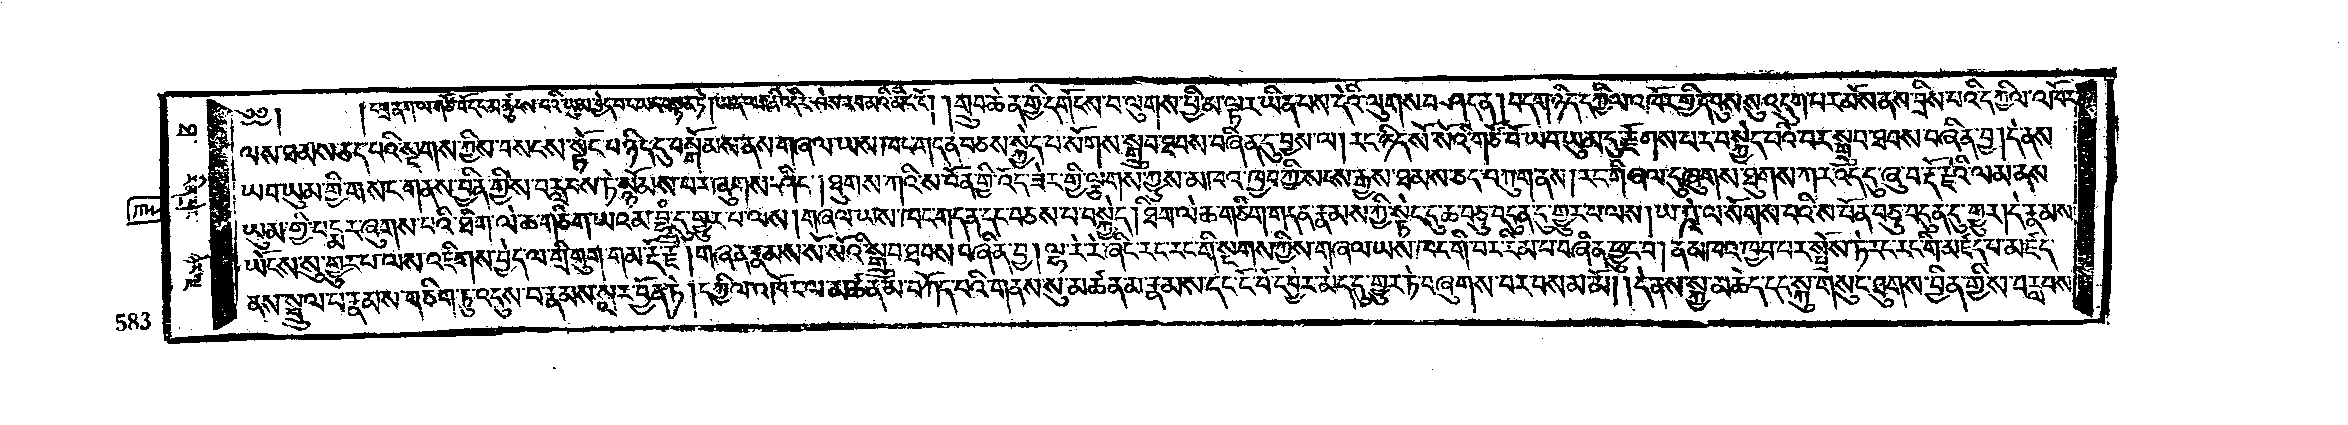༄༅། །དགྲ་ནག་ལ་གཙོ་བོ་དང་མཚུངས་པའི་ཡུམ་བྱེད་པར་ཡང་བསྟན་ཏེ། ཡན་ལག་ནི་འདིར་ཤེས་རབ་མའི་མིང་ངོ། །གྲུབ་ཆེན་གྱི་དགོངས་པ་ལུགས་ཕྱི་མ་ལྟར་ཡིན་པས་དེའི་ལུགས་བཤད་ན། བདག་ཉིད་དཀྱིལ་འཁོར་གྱི་དབུས་སུ་འདུག་པར་མོས་ནས་བྲིས་པའི་དཀྱིལ་འཁོར་
ལས་ཐམས་ཅད་པའི་སྔགས་ཀྱིས་བསངས་སྟོང་པ་ཉིད་དུ་བསྒོམས་ནས་གཞལ་ཡས་ཁང་གདན་བཅས་སྐྱེད་པ་སོགས་སྒྲུབ་ཐབས་བཞིན་དུ་བྱས་ལ། རང་ཉིད་སོ་སོའི་གཙོ་བོ་ཡབ་ཡུམ་དུ་རྫོགས་པར་བསྐྱེད་པའི་བར་སྒྲུབ་ཐབས་བཞིན་བྱ། དེ་ནས་
ཡབ་ཡུམ་གྱི་གསང་གནས་བྱིན་གྱིས་བརླབས་ཏེ་སྙོམས་པར་ཞུགས་ཤིང་། ཐུགས་ཀའི་ས་བོན་གྱི་འོད་ཟེར་གྱི་ལྕགས་ཀྱུས་མཁའ་ཁྱབ་ཀྱི་སངས་རྒྱས་ཐམས་ཅད་བཀུག་ནས། རང་གི་གཞལ་དུ་ཞུགས་ཐུགས་ཀར་འོད་དུ་ཞུ་བ་རྡོ་རྗེའི་ལམ་ནས་
ཡུམ་གྱི་པདམར་ཞུགས་པའི་ཐིག་ལེ་ཆ་གཅིག་ཡའམ་བྷྲུཾ་དུ་གྱུར་པ་ལས། གཞལ་ཡས་ཁང་གདན་དང་བཅས་པ་བསྐྱེད། ཐིག་ལེ་ཆ་གཅིག་གདན་རྣམས་ཀྱི་སྟེང་དུ་ཆ་བཅུ་བདུན་དུ་གྱུར་པ་ལས། ཡ་ཀྵེ་ལ་སོགས་པའི་ས་བོན་བཅུ་བདུན་དུ་གྱུར། དེ་རྣམས་
ཡོངས་སུ་གྱུར་པ་ལས་འཇིགས་བྱེད་ལ་གྲི་གུག་གམ་རྡོ་རྗེ། གཞན་རྣམས་སོ་སོའི་སྒྲུབ་ཐབས་བཞིན་བྱ། ལྷ་རེ་རེ་ཞིང་རང་རང་གི་སྔགས་ཀྱིས་གཞལ་ཡས་ཁང་གི་བར་རིམ་པ་བཞིན་ཕྱུང་བ། ནམ་མཁའ་ཁྱབ་པར་སྤྲོས་ཏེ་རང་རང་གི་མཛད་པ་མཛད་
ནས་སྦྲུལ་པ་རྣམས་གཅིག་ཏུ་འདུས་པ་རྣམས་སླར་བྱོན་ཏེ། དཀྱིལ་འཁོར་ལ་མཚན་མ་བཀོད་པའི་གནས་སུ་མཚན་མ་རྣམས་དང་ངོ་བོ་དབྱེར་མེད་དུ་གྱུར་ཏེ་བཞུགས་པར་བསམ་མོ། །དེ་ནས་སྐྱེ་མཆེད་དང་སྐུ་གསུང་ཐུགས་བྱིན་གྱིས་བརླབས་